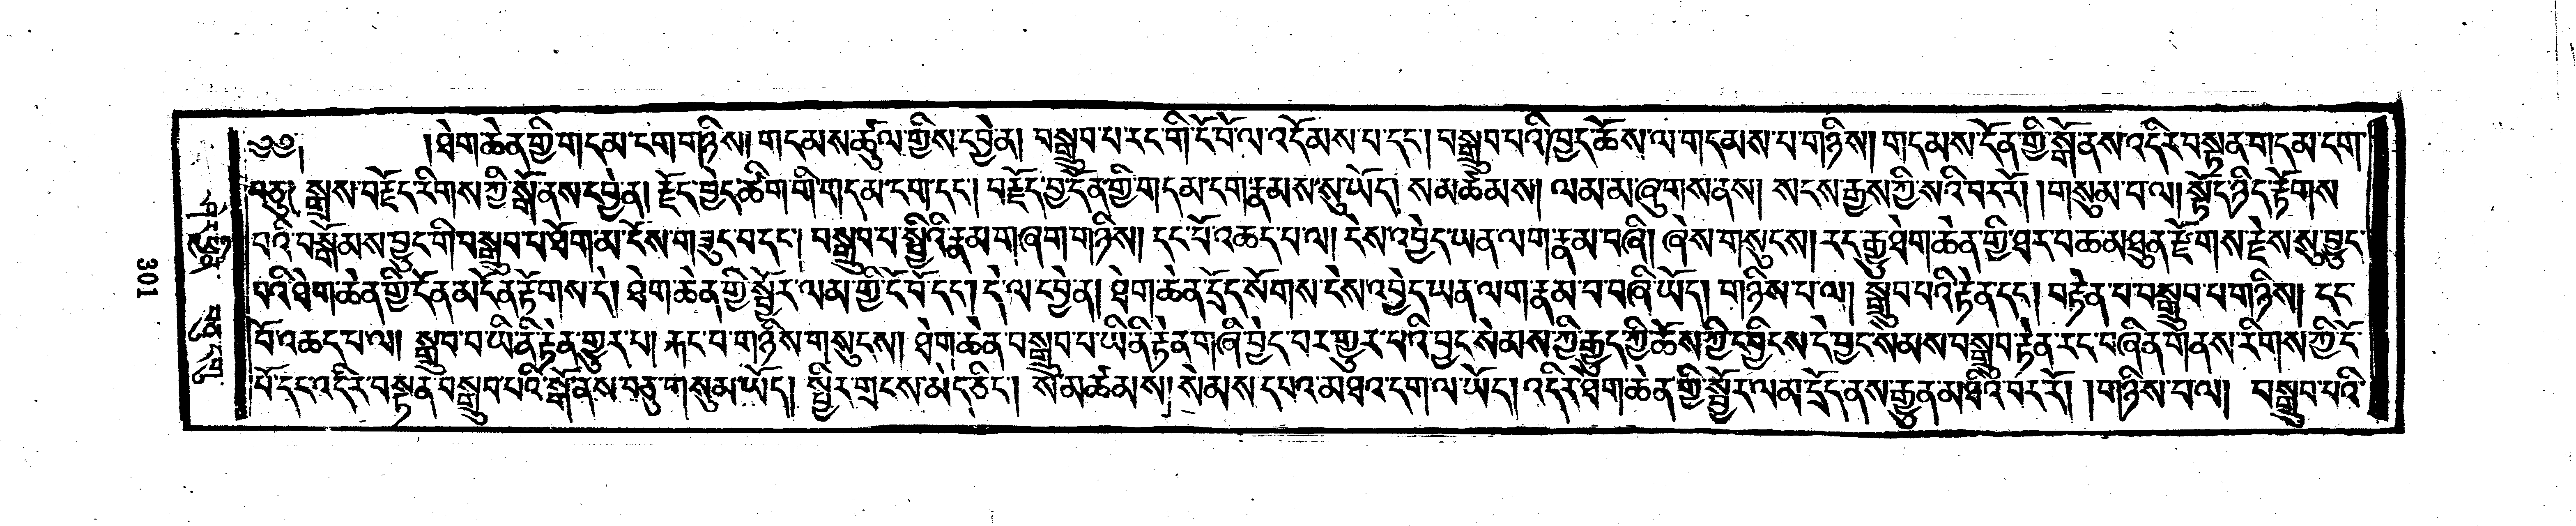༄༅། །ཐེག་ཆེན་གྱི་གདམ་ངག་གཉིས། གདམས་ཚུལ་གྱིས་དབྱེ་ན། བསྒྲུབ་པ་རང་གི་ངོ་བོ་ལ་འདོམས་པ་དང་། བསྒྲུབ་པའི་ཁྱད་ཆོས་ལ་གདམས་པ་གཉིས། གདམས་དོན་གྱི་སྒོ་ནས་འདིར་བསྟན་གདམ་ངག་
བཅུ༑ སྒྲས་བརྗོད་རིགས་ཀྱི་སྒོ་ནས་དབྱེ་ན། རྗོད་བྱེད་ཚིག་གི་གདམ་ངག་དང་། བརྗོད་བྱ་དོན་གྱི་གདམ་ངག་རྣམས་སུ་ཡོད། ས་མཚམས། ལམ་མ་ཞུགས་ནས། སངས་རྒྱས་ཀྱི་སའི་བར་རོ། །གསུམ་པ་ལ། སྟོང་ཉིད་རྟོགས་
པའི་བསྒོམས་བྱུང་གི་བསྒྲུབ་པ་ཐོག་མ་ངོས་གཟུང་བ་དང་། བསྒྲུབ་པ་སྤྱིའི་རྣམ་གཞག་གཉིས། དང་པོ་འཆད་པ་ལ། ངེས་འབྱེད་ཡན་ལག་རྣམ་བཞི། ཞེས་གསུངས། རང་རྒྱུ་ཐེག་ཆེན་གྱི་ཐར་པ་ཆ་མཐུན་རྫོགས་རྗེས་སུ་བྱུང་
བའི་ཐེག་ཆེན་གྱི་དོན་མངོན་རྟོགས་དེ། ཐེག་ཆེན་གྱི་སྦྱོར་ལམ་གྱི་ངོ་བོ་དང་། དེ་ལ་དབྱེ་ན། ཐེག་ཆེན་དྲོད་སོགས་ངེས་འབྱེད་ཡན་ལག་རྣམ་པ་བཞི་ཡོད། གཉིས་པ་ལ། སྒྲུབ་པའི་རྟེན་དང་། བརྟེན་པ་བསྒྲུབ་པ་གཉིས། དང་
པོ་འཆད་པ་ལ། སྒྲུབ་པ་ཡི་ནི་རྟེན་གྱུར་པ། རྐང་པ་གཉིས་གསུངས། ཐེག་ཆེན་བསྒྲུབ་པ་ཡི་ནི་རྟེན་གཞི་བྱེད་པར་གྱུར་པའི་བྱང་སེམས་ཀྱི་རྒྱུད་ཀྱི་ཆོས་ཀྱི་དབྱིངས་དེ་བྱང་སེམས་བསྒྲུབ་བརྟེན་རང་བཞིན་གནས་རིགས་ཀྱི་ངོ་
བོ་དང་འདིར་བསྟན་བསྒྲུབ་པའི་སྒོ་ནས་བཅུ་གསུམ་ཡོད། སྤྱིར་གྲངས་མེད་ཅིང་། ས་མཚམས། སེམས་དཔའ་མཐའ་དག་ལ་ཡོད། འདིར་ཐེག་ཆེན་གྱི་སྦྱོར་ལམ་དྲོད་ནས་རྒྱུན་མཐའི་བར་རོ། །གཉིས་པ་ལ། བསྒྲུབ་པའི་